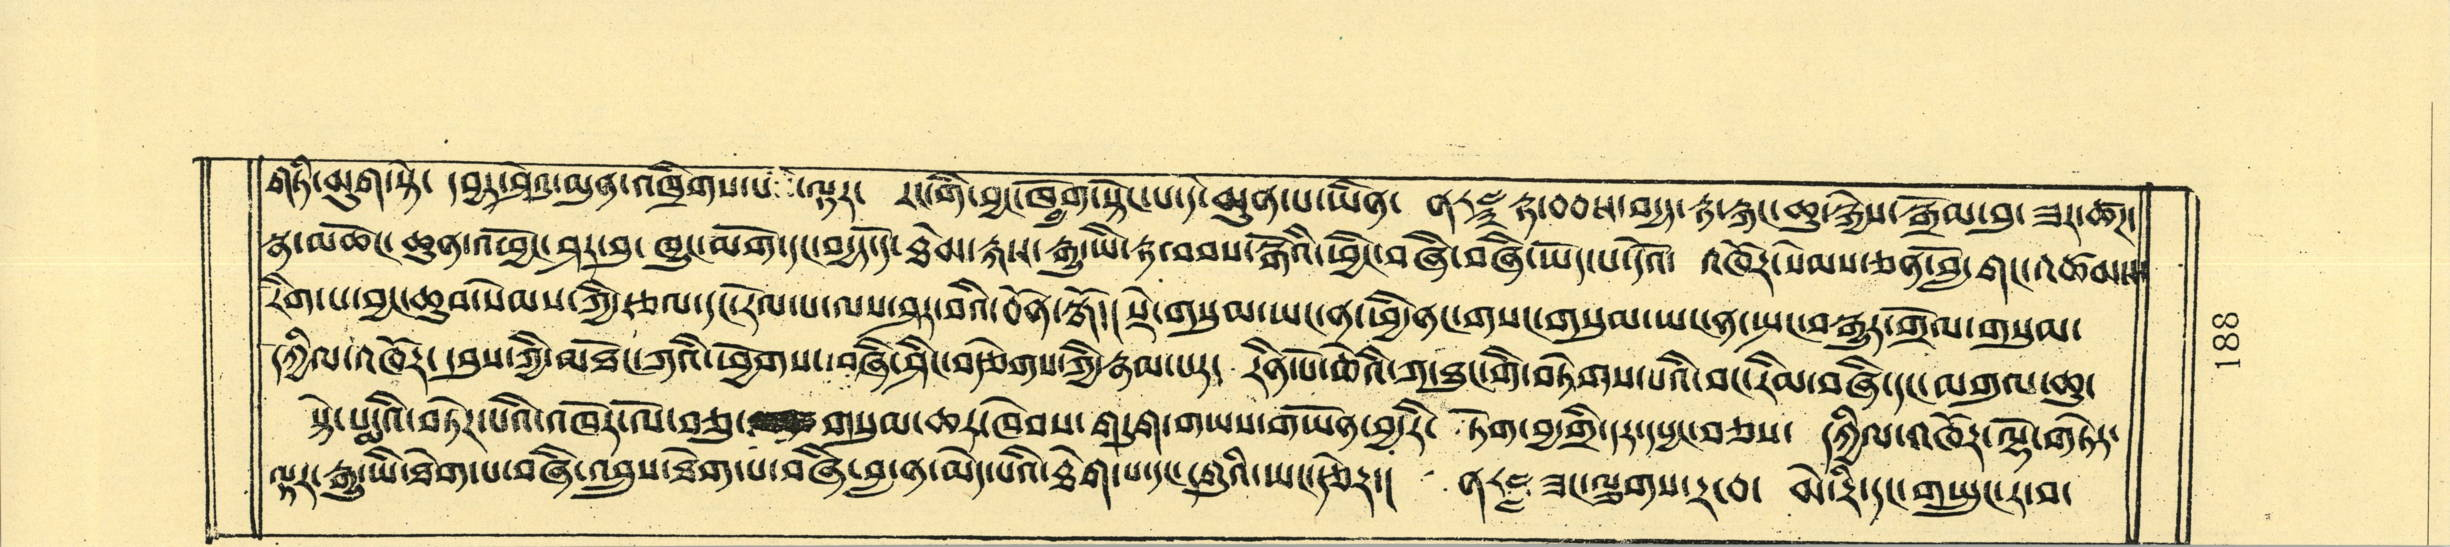གཏི་མུག་སྟེ་དབྱར་ཤེ་མུན་འཁྲིགས་པ་ལྟར་རང་གི་བྱང་ཁོག་སྟོང་པ་དེ་༼མུན་པ༽ཡིན། ན༨༤།༣ རྟ་བབས་བརྒྱད་རྟ་རྐང་ཆུ་སྐྱེས་སྒྲོམ་བུ་ཟར་ཚགས་
སྣ་མཆོག་ཆུན་འཕྱང་ཤར་བུ་ཁྱུང་མགོ་དང་བརྒྱད་དོ། ༼ཐེམ་སྐས༽རྒྱུའི་རྟ་བབས་སྒོ་ཡི་ཕྱི་ནང་བཞི་བཞི་ཡོད་པ་དེའོ།༼འཁོར༽སེམས་ཅན་བློ་གང་མཚམས་
རིག་པ་བྱང་ཆུབ་སེམས་ཀྱི་རྩལ་དང་རོལ་པ་ལས་ཤར་བའི་༼བོན་སྒོ༽སྡེ་གསུམ་ཡང་ན་ཕྱི་ནང་གསང་གསུམ་ཡང་ན་སྤང་སྒྱུར་གྲོལ་གསུམ་
དཀྱིལ་འཁོར་དབུས་ཀྱི་མཐོང་ཀའི་ཕྱོགས་བཞི་ཤིང་བརྩེགས་ཀྱི་རྣམ་པར་རིན་པོ་ཆེའི་ཀ་ཐུང་གིས་བཏེགས་པའི་བང་རིམ་བཞི་དང་འགུལ་ཆུ་
སྟེ་པདྨའི་བཏེགས་པའི་འཁོར་ལོ་བཅུ་གསུམ་ཆར་ཁེབས་༼གདུག༽གཡས་གཡོན་བྱ་རུ་ཏོག་བྱ་གྲི་དར་དཔྱད་བཅས་༼དཀྱིལ་འཁོར༽ལྷོ་གཏེར་
ལྟར་རྒྱུ་ཡི་ཐེག་པ་བཞི་བླ་ན་མེད་པའི་༼ཐེག༽པ་དང་༼དགུའི་ཡང་རྩེར༽ན༨༤།༤ཟངས་ལྕགས་༼རྭ་བ༽མེ་རི་དང་གཡུང་དྲུང་རྭ་བ་